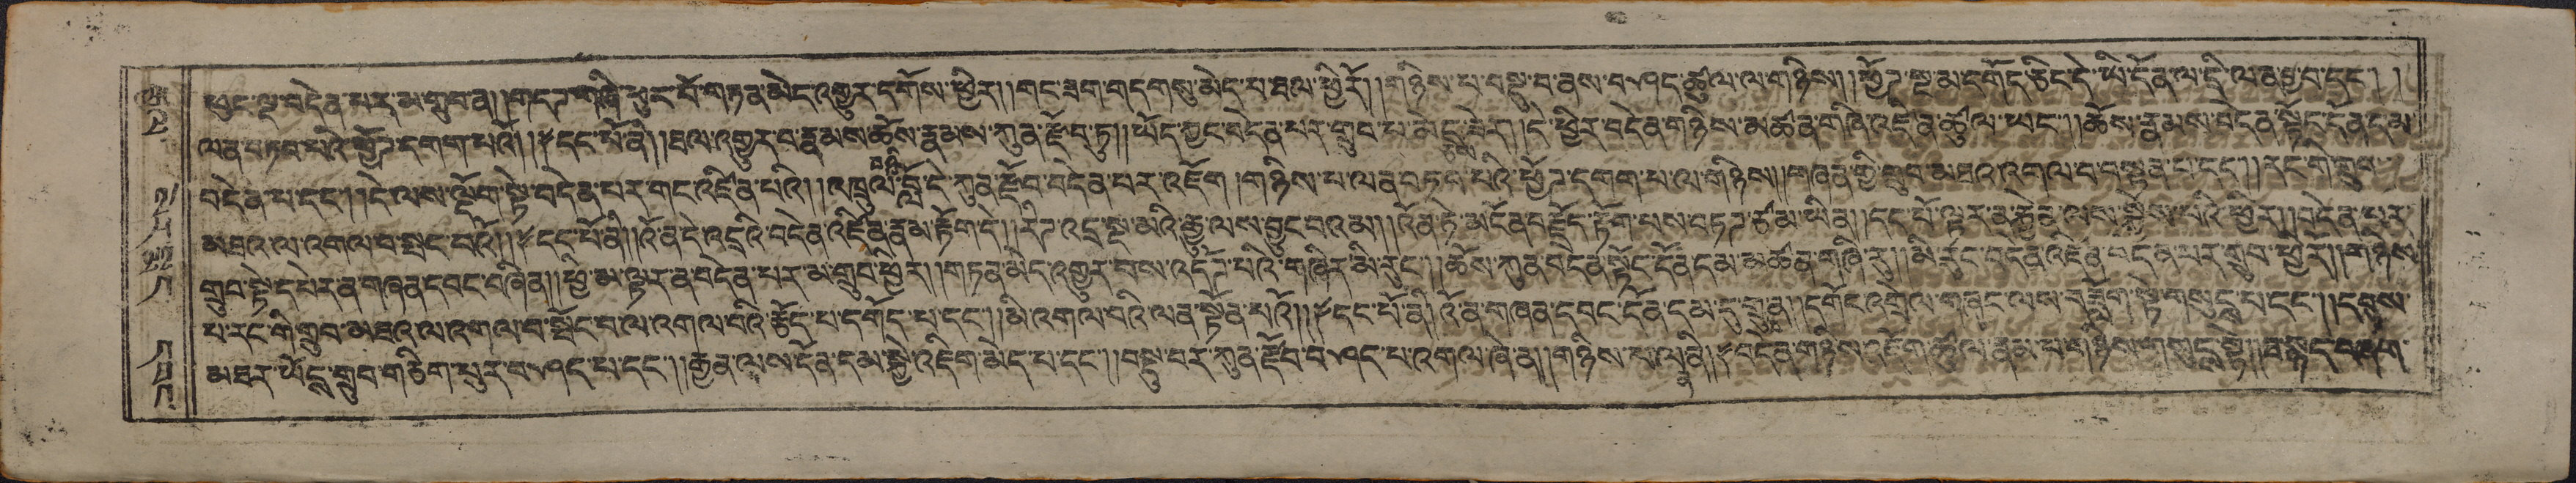ཕུང་ལྔ་བདེན་པར་མ་གྲུབ་ན། །གདགས་གཞི་ཕུང་པོ་གཏན་མེད་འགྱུར་དགོས་ཕྱིར། །གང་ཟག་གདགས་སུ་མེད་པ་ཐལ་ཕྱིར་རོ། །གཉིས་པ་བསྡུ་བ་ནས་བཤད་ཚུལ་ལ་གཉིས། །ཕྱོགས་སྔ་མ་དགོད་ཅིང་དེ་ཡི་དོན་ལ་དྲི་ལན་བྱ་བ་དང་། །
ལན་བཏབ་པའི་ཕྱོགས་དགག་པའོ། ༈ །དང་པོ་ནི། །ཐལ་འགྱུར་བ་རྣམས་ཆོས་རྣམས་ཀུན་རྫོབ་ཏུ། །ཡོད་ཀྱང་བདེན་པར་གྲུབ་པ་མེད་ཅེས་ཟེར། །དེ་ཕྱིར་བདེན་གཉིས་མཚན་གཞི་འཛིན་ཚུལ་ཡང་། །ཆོས་རྣམས་བདེན་སྟོང་དོན་དམ་
བདེན་པ་དང་། །དེ་ལས་ལྡོག་སྟེ་བདེན་པར་གང་འཛིན་པའི། །འཁྲུལ་བའི་བློ་དེ་ཀུན་རྫོབ་བདེན་པར་འཇོག །གཉིས་པ་ལན་བཏབ་པའི་ཕྱོགས་དགག་པ་ལ་གཉིས། །གཞན་གྱི་གྲུབ་མཐའ་འགལ་བ་བསྟན་པ་དང་། །རང་གི་གྲུབ་
མཐའ་ལ་འགལ་བ་སྤང་པའོ། ༈ །དང་པོ་ནི། །འོ་ན་དེ་འདྲའི་བདེན་འཛིན་རྣམ་རྟོག་དེ། །རིགས་འདྲ་སྔ་མའི་རྒྱུ་ལས་བྱུང་བའམ། །འོན་ཏེ་མངོན་བརྗོད་རྟོག་པས་བཏགས་ཙམ་ཡིན། །དང་པོ་ལྟར་ན་རྐྱེན་ལས་སྐྱེས་པའི་ཕྱིར། །བདེན་པར་
གྲུབ་སྟེ་དཔེར་ན་གཞན་དབང་བཞིན། །ཕྱི་མ་ལྟར་ན་བདེན་པར་མ་གྲུབ་ཕྱིར། །གཏན་མེད་འགྱུར་བས་འདོགས་པའི་གཞིར་མི་རུང་། །ཆོས་ཀུན་བདེན་སྟོང་དོན་དམ་མཚན་གཞི་རུ། །མི་རུང་བདེན་འཛིན་བདེན་པར་གྲུབ་ཕྱིར་རོ། །གཉིས་
པ་རང་གི་གྲུབ་མཐའ་ལ་འགལ་བ་སྤོང་བ་ལ་འགལ་བའི་རྩོད་པ་དགོད་པ་དང་། །མི་འགལ་བའི་ལན་སྟོན་པའོ། ༈ །དང་པོ་ནི། འོ་ན་གཞན་དབང་དོན་དམ་དུ་གྲུབ་ན། །དགོངས་འགྲེལ་གཞུང་ལས་བཟློག་སྟེ་གསུངས་པ་དང་། །དབུས་
མཐར་ཡོངས་གྲུབ་གཅིག་པུར་བཤད་པ་དང་། །རྒྱན་ལས་དོན་དམ་སྐྱེ་འཇིག་མེད་པ་དང་། །བསྡུ་བར་ཀུན་རྫོབ་བཤད་པ་འགལ་ཞེ་ན། །གཉིས་པ་ལན་ནི། ༈ །བདེན་གཉིས་འཇོག་ཚུལ་རྣམ་པ་གཉིས་གསུངས་སྟེ། །ཐ་སྙད་བཞག་